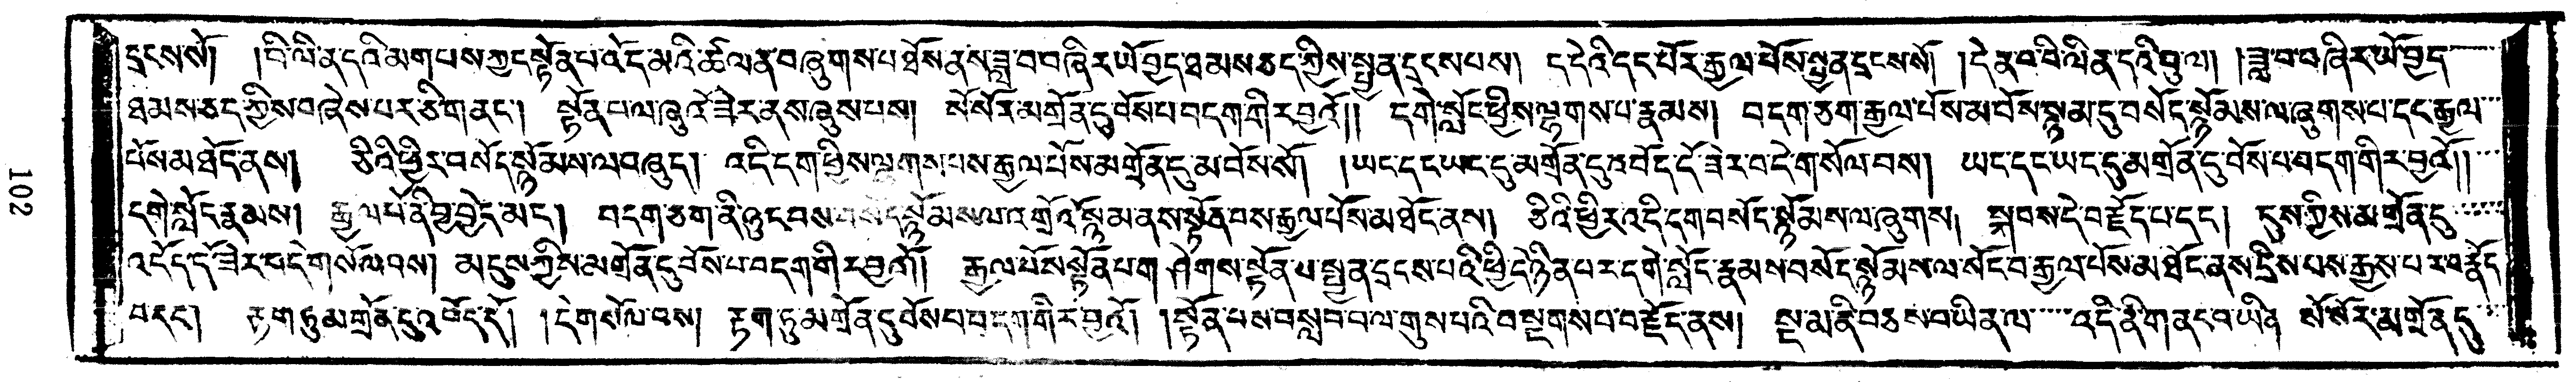དྲངས་སོ། །བི་ལི་ན་དའི་མག་པས་ཀྱང་སྟོན་པ་འོད་མའི་ཚལ་ན་བཞུགས་པ་ཐོས་ནས་ཟླ་བ་བཞིར་ཡོ་བྱད་ཐམས་ཅད་ཀྱིས་སྤྱན་དྲངས་པས། ད་དེའི་དང་པོར་རྒྱལ་པོས་སྤྱན་དྲངས་སོ། །དེ་ན་བ་བི་ལིན་དའི་བུ་ལ། །ཟླ་བ་བཞིར་ཡོ་བྱད་
ཐམས་ཅད་ཀྱིས་བཞེས་པར་ཅི་གནང་། སྟོན་པ་ལ་ཞུའོ་ཟེར་ནས་ཞུས་པས། སོ་སོར་མགྲོན་དུ་བོས་པ་བདག་གིར་བྱའོ།། དགེ་སློང་ཕྱིས་ལྷགས་པ་རྣམས། བདག་ཅག་རྒྱལ་པོས་མ་བོས་སྙམ་དུ་བསོད་སྙོམས་ལ་ཞུགས་པ་དང་རྒྱལ་
པོས་མཐོད་ནས། ཅིའི་ཕྱིར་བསོད་སྙོམས་ལ་བཞུད། འདི་དག་ཕྱིས་ལྷགས་པས་རྒྱལ་པོས་མགྲོན་དུ་མ་བོས་སོ། །ཡང་དང་ཡང་དུ་མགྲོན་དུ་འབོད་དོ་ཟེར་བ་དེ་གསོལ་བས། ཡང་དང་ཡང་དུ་མགྲོན་དུ་བོས་པ་བདག་གིར་བྱའོ།།
དགེ་སློང་རྣམས། རྒྱལ་པོ་ནི་བྱ་བྱེད་མང་། བདག་ཅག་ནི་ཉུང་བས་བསོད་སྙོམས་ལ་འགྲོའོ་སྙམ་ནས་སྟོན་པས་རྒྱལ་པོས་མཐོང་ནས། ཅིའི་ཕྱིར་འདི་དག་བསོད་སྙོམས་ལ་ཞུགས། སྐབས་དེ་བརྗོད་པ་དང་། དུས་ཀྱིས་མགྲོན་དུ་
འདོད་དོ་ཟེར་བདེ་གསོལ་བས། མདུས་ཀྱིས་མགྲོན་དུ་བོས་པ་བདག་གིར་བྱའོ། རྒྱལ་པོས་སྟོན་པ་གཤེགས་སྟོན་པ་སྤྱན་དྲངས་པའི་ཕྱི་དེ་ཉིན་པར་དགེ་སློང་རྣམས་བསོད་སྙོམས་ལ་སོང་བ་རྒྱལ་པོས་མཐོང་ནས་དྲིས་པས་རྒྱས་པར་བརྣོད་
བ་དང་། རྟག་ཏུ་མགྲོན་དུ་འབོད་དོ། །དེ་གསོལ་བས། རྟག་ཏུ་མགྲོན་དུ་བོས་པ་བདག་གིར་བྱའོ། །སྟོན་པས་བསླབ་པ་ལ་གུས་པའི་བསྔགས་པ་བརྗོད་ནས། སྔ་མ་ནི་བཅས་བ་ཡིན་ལ་འདི་ནི་གནང་བ་ཡིན་སོ་སོར་མགྲོན་དུ་